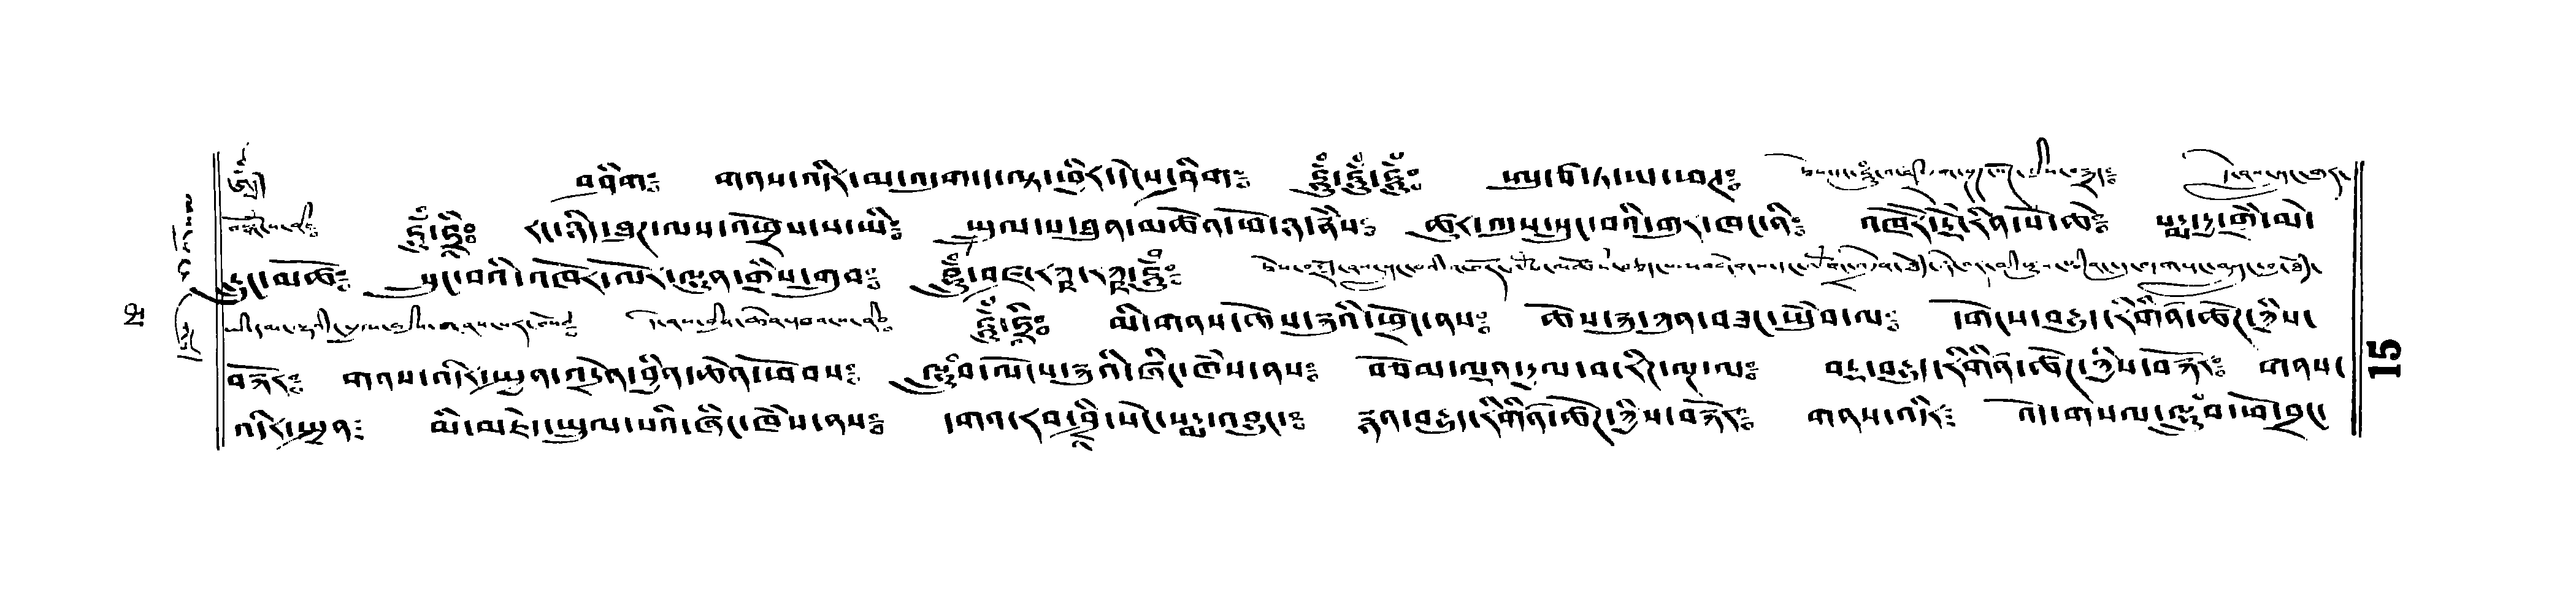བཤིག༔ གནས་འདིར་མ་འདུག་ད་ལྟ་ཕྱིར་དེངས་ཤིག༔ ཧཱུྃ་ཧཱུྃ་ཧཱུྃ༔ ཨུ་ཙ་ཏ་ཡ་ཕཊ༔ ཅེས་དངཿཧཱུྃ་བཞི་དྲག་སྔགས་སོགས་ཀྱིས་བསྐྲད༔ དེ་ནས་སྲུང་གུར་
བསྒོམ་པ་ནི༔ ཧཱུྃ་ཧྲཱིཿ རང་ཉིད་ཐུགས་ལས་འཕྲོས་པ་ཡི༔ སྤྲུལ་པ་ཐུན་མཚོན་ཕོ་ཉ་རྣམས༔ ཚུར་འདུས་སྲུང་བའི་གུར་ཁང་ནི༔ འཁོར་ལོ་རྡོ་རྗེ་རིན་པོ་ཆེ༔ པདྨ་རྒྱ་གྲམ་མེ་
རླུང་མཚོ༔ སྲུང་བའི་འཁོར་ལོར་ལྷུན་གྱིས་གྲུབ༔ བྷྲཱུྃ་བཛྲ་རཀྵ་རཀྵ་ཧཱུྃ༔ ཅེས་བརྗོད་ནས་སྲུང་བའི་འཁོར་ལོས་མཚམས་བཅད་པས་བགེགས་དང་ལོག་འདྲེན་ཐམས་ཅད་ཉེ་བར་མི་ནུས་པའི་ནང་དུ་བདག་དང་བསྲུང་བྱ་ཐམས་ཅད་
ཡི་དམ་ལྷའི་ང་རྒྱལ་གྱིས་གནས་པར་བསམ༔ དེ་ནས་བྱིན་ཆེན་དབབ་པ་ནི༔ ཧཱུྃ་ཧྲཱིཿ མི་གནས་ཆོས་སྐུའི་ཕོ་བྲང་ནས༔ ཆོས་སྐུ་ཀུན་བཟང་ཡབ་ཡུམ་ལ༔ དགོངས་བརྒྱུད་རིག་འཛིན་ཚོགས་ཀྱིས་
བསྐོར༔ གནས་འདིར་སྤྱན་འདྲེན་བྱིན་ཆེན་ཕོབས༔ ལྷུན་གྲུབ་ལོངས་སྐུའི་ཞིང་ཁམས་ནས༔ བཅོམ་ལྡན་རྒྱལ་བ་རིགས་ལྔ་ལཿ བརྡ་བརྒྱུད་རིག་འཛིན་ཚོགས་ཀྱིས་བསྐོར༔ གནས་
འདིར་སྤྱན་འདྲེན༴ མི་མཇེད་སྤྲུལ་པའི་ཞིང་ཁམས་ནས༔ དགའ་རབ་ཤྲཱི་སེང་པདྨ་འབྱུང༔ སྙན་བརྒྱུད་རིག་འཛིན་ཚོགས་ཀྱིས་བསྐོར༔ གནས་འདིར་སྤྱན་འདྲེན༴འོད་གསལ་ལྷུན་གྲུབ་ཕོ་བྲང་